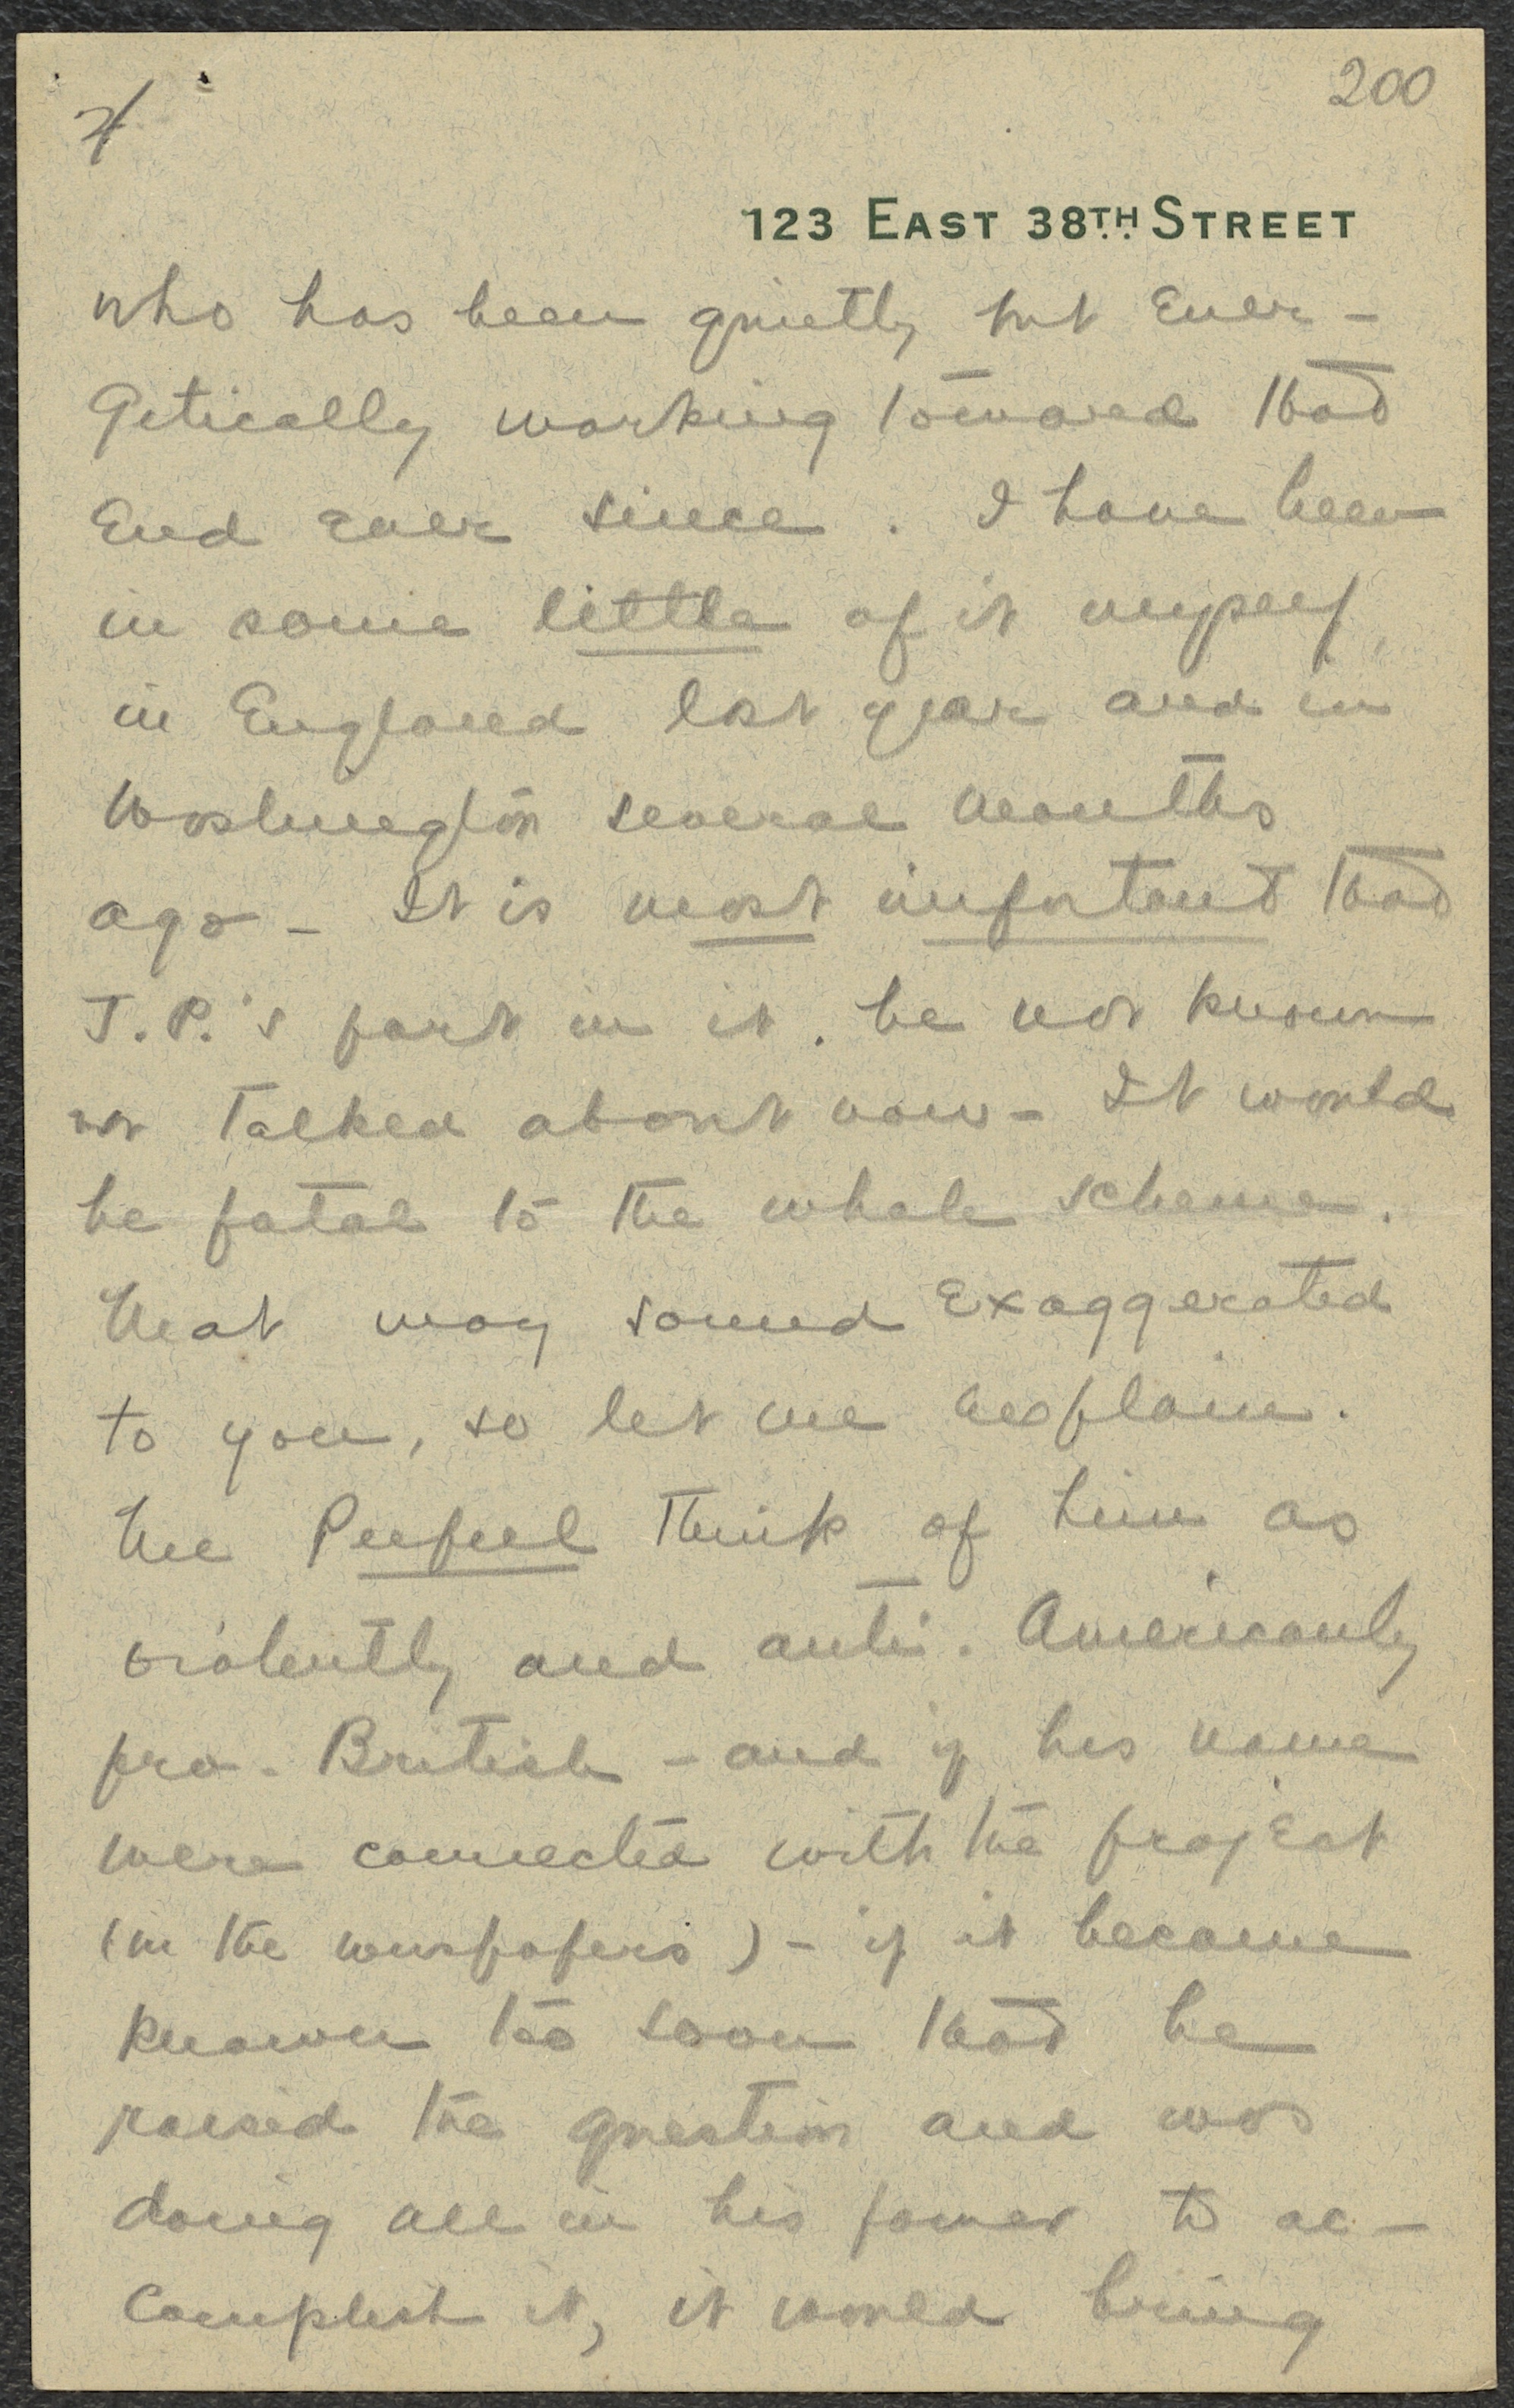who has been quietly but energetically working towards that end ever since – I have been in some little of it myself, in England last year and in Washington several months ago – It is most important that J.P.’s part in it be not known now talked about now – It would be fatal to the whole scheme – That may sound exaggerated to you, so let me explain. The Peepul think of him as violently and anti-Americanly pro-British – and if his name were connected with the project (in the newspapers) – if it became known too soon that he raised the question and was doing all in his power to accomplish it, it would bring